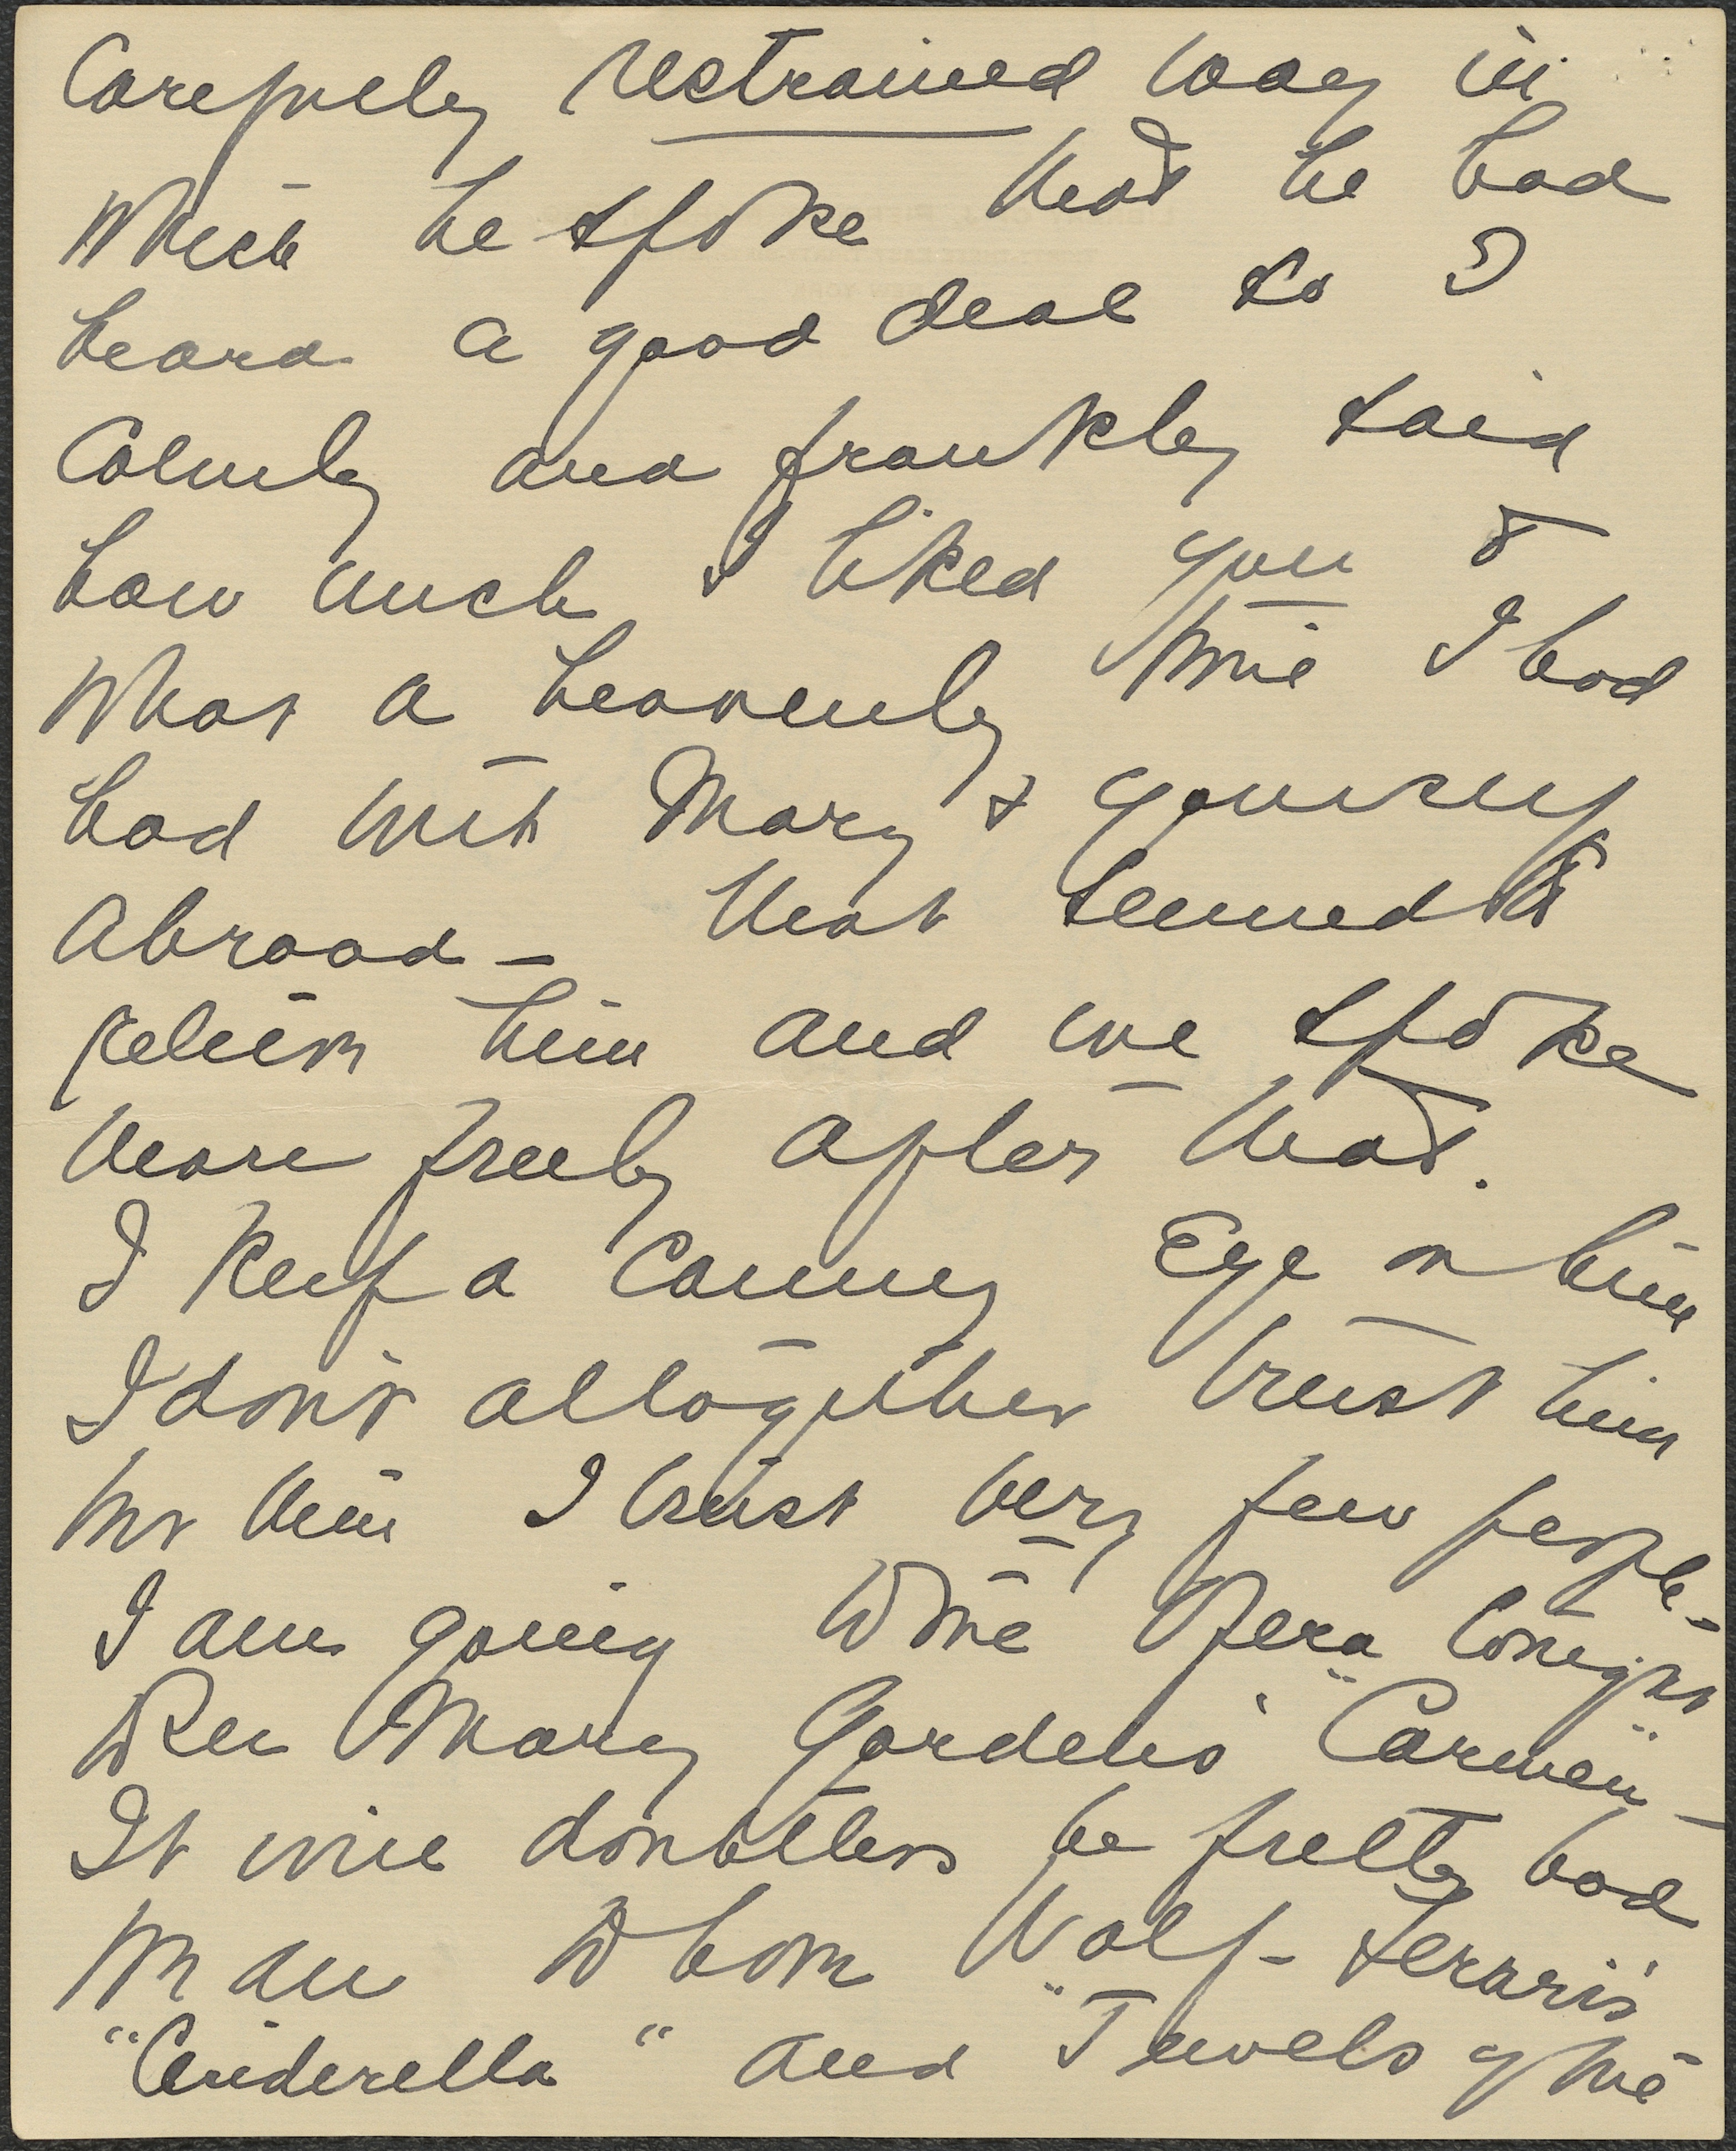carefully restrained way in which he spoke that he had heard a good deal so I calmly and frankly said how much I liked you & what a heavenly time I had had with Mary & yourself abroad – that seemed to relieve him and we spoke more freely after that. I keep a canny eye on him I don’t altogether trust him but then I trust very few people – I am going to the opera tonight to see Mary Garden’s “Carmen” – It will doubtless by pretty bad for me to have Wolf-Ferrari’s “Cinderelle” and “Jewels of the